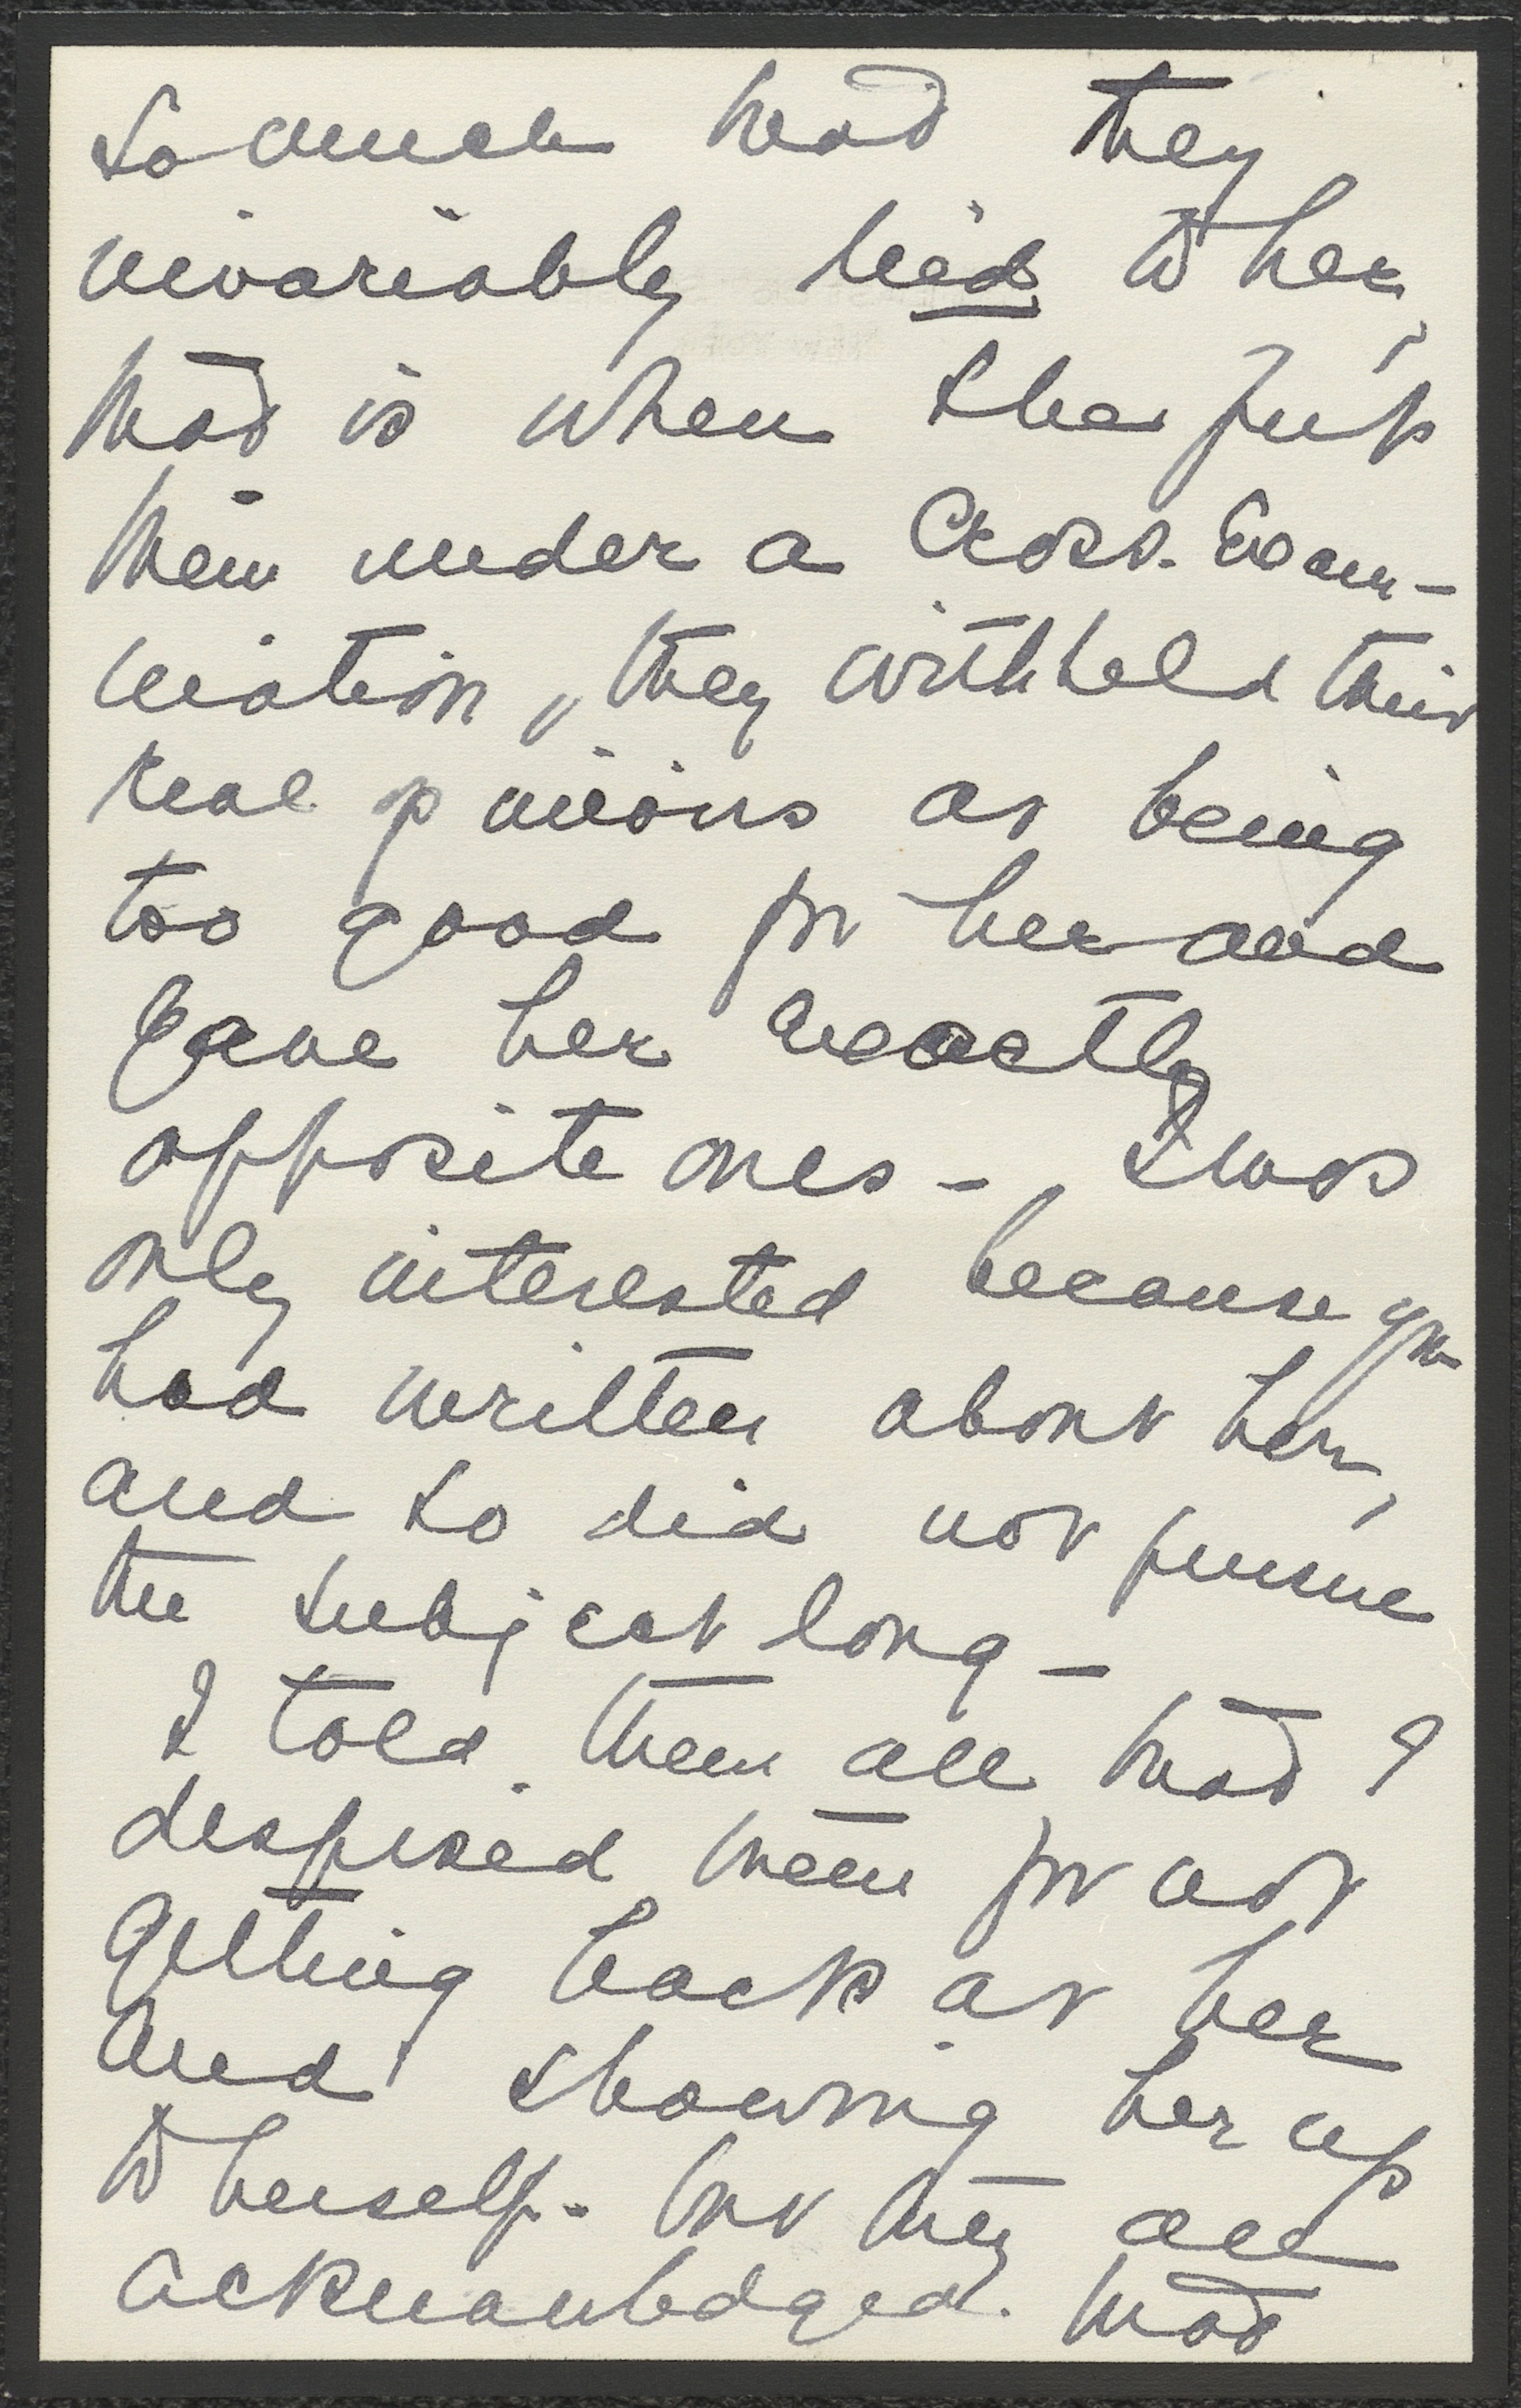so much that they invariably lied to her, that is when she put them under a cross. examination, they withheld their real opinions as being too good for her and gave her exactly opposite ones – I was only interested because you had written about her, and so did not pursue the subject long –
I told them all that I despised them for not getting back at her and showing her up to herself – but they all acknowledged that